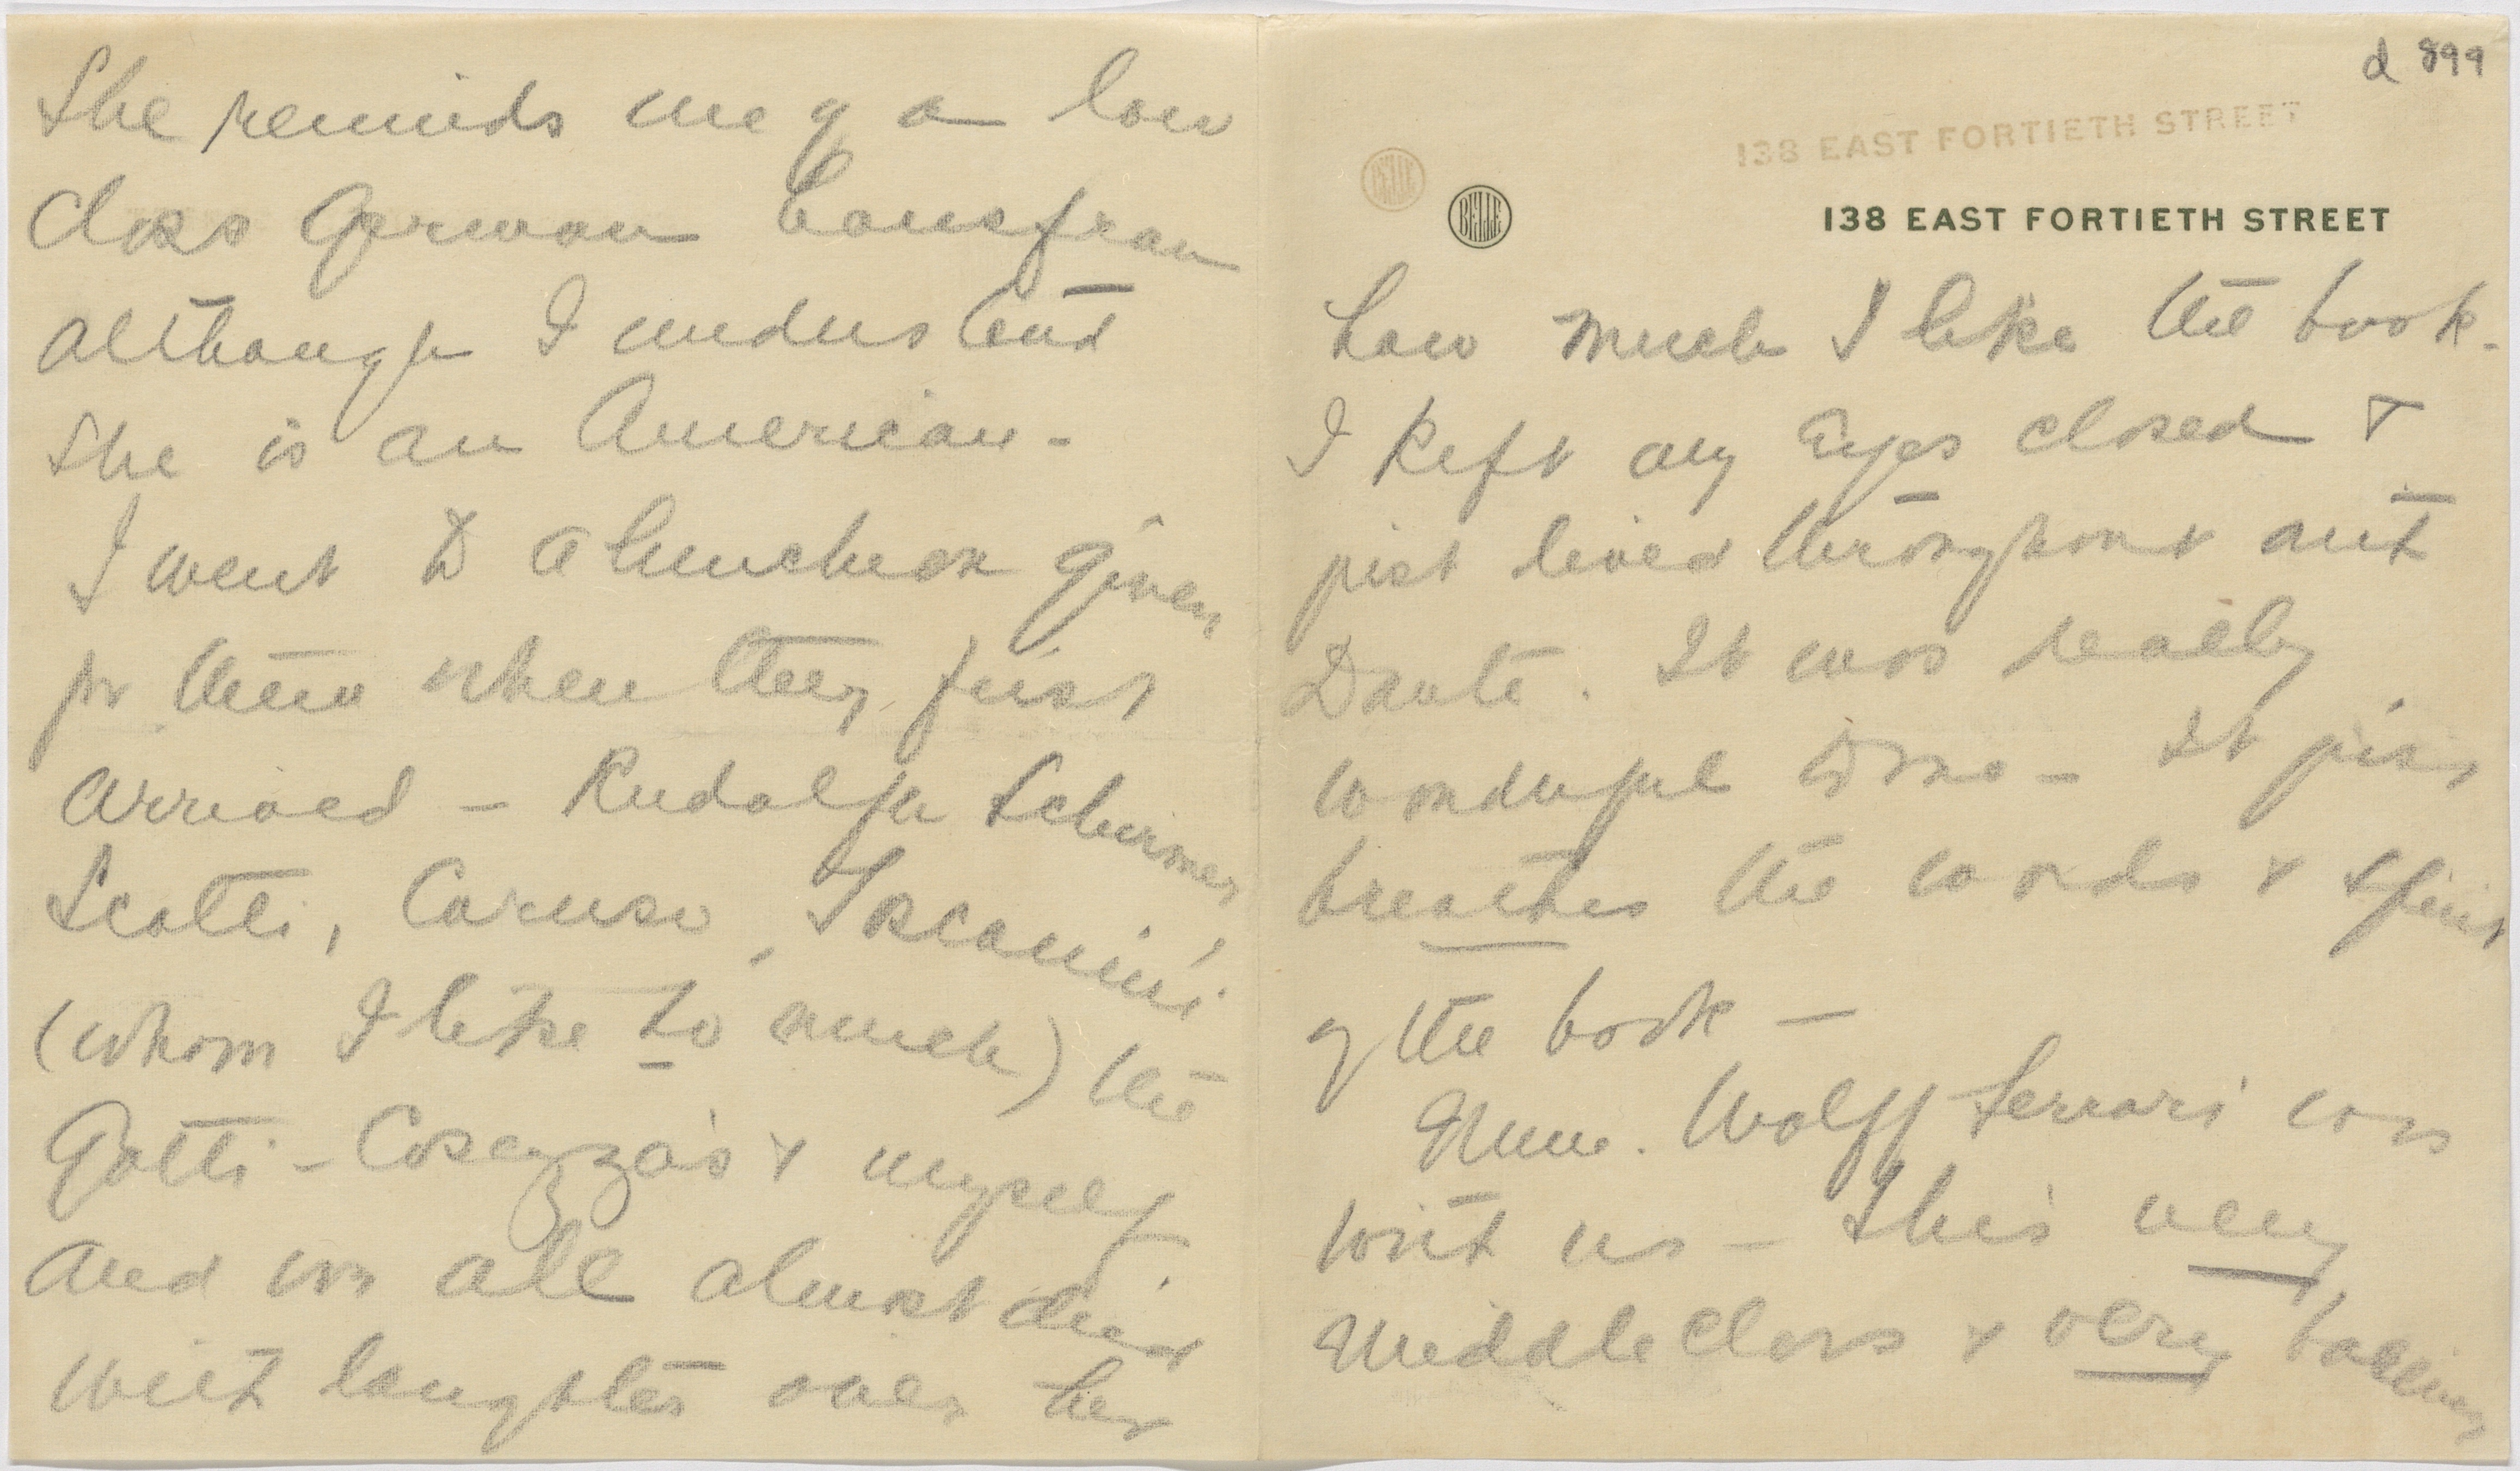how much I like the book. I kept my eyes closed & just lived throughout with Dante. It was really wonderful to me – It just breathes the words & spirit of the book –
Mme. Wolff Ferrari [sic] was with us – she’s very middle class & very falling [?]
She reminds me of a low class German hausfrau although I understand she is an American –
I went to a luncheon given for them when they first arrived – Rudolph Schirmer, Scotti, Caruso, Toscanini (whom I like so much) the Gatti-Casazza’s & myself, and we all almost died with laughter over her